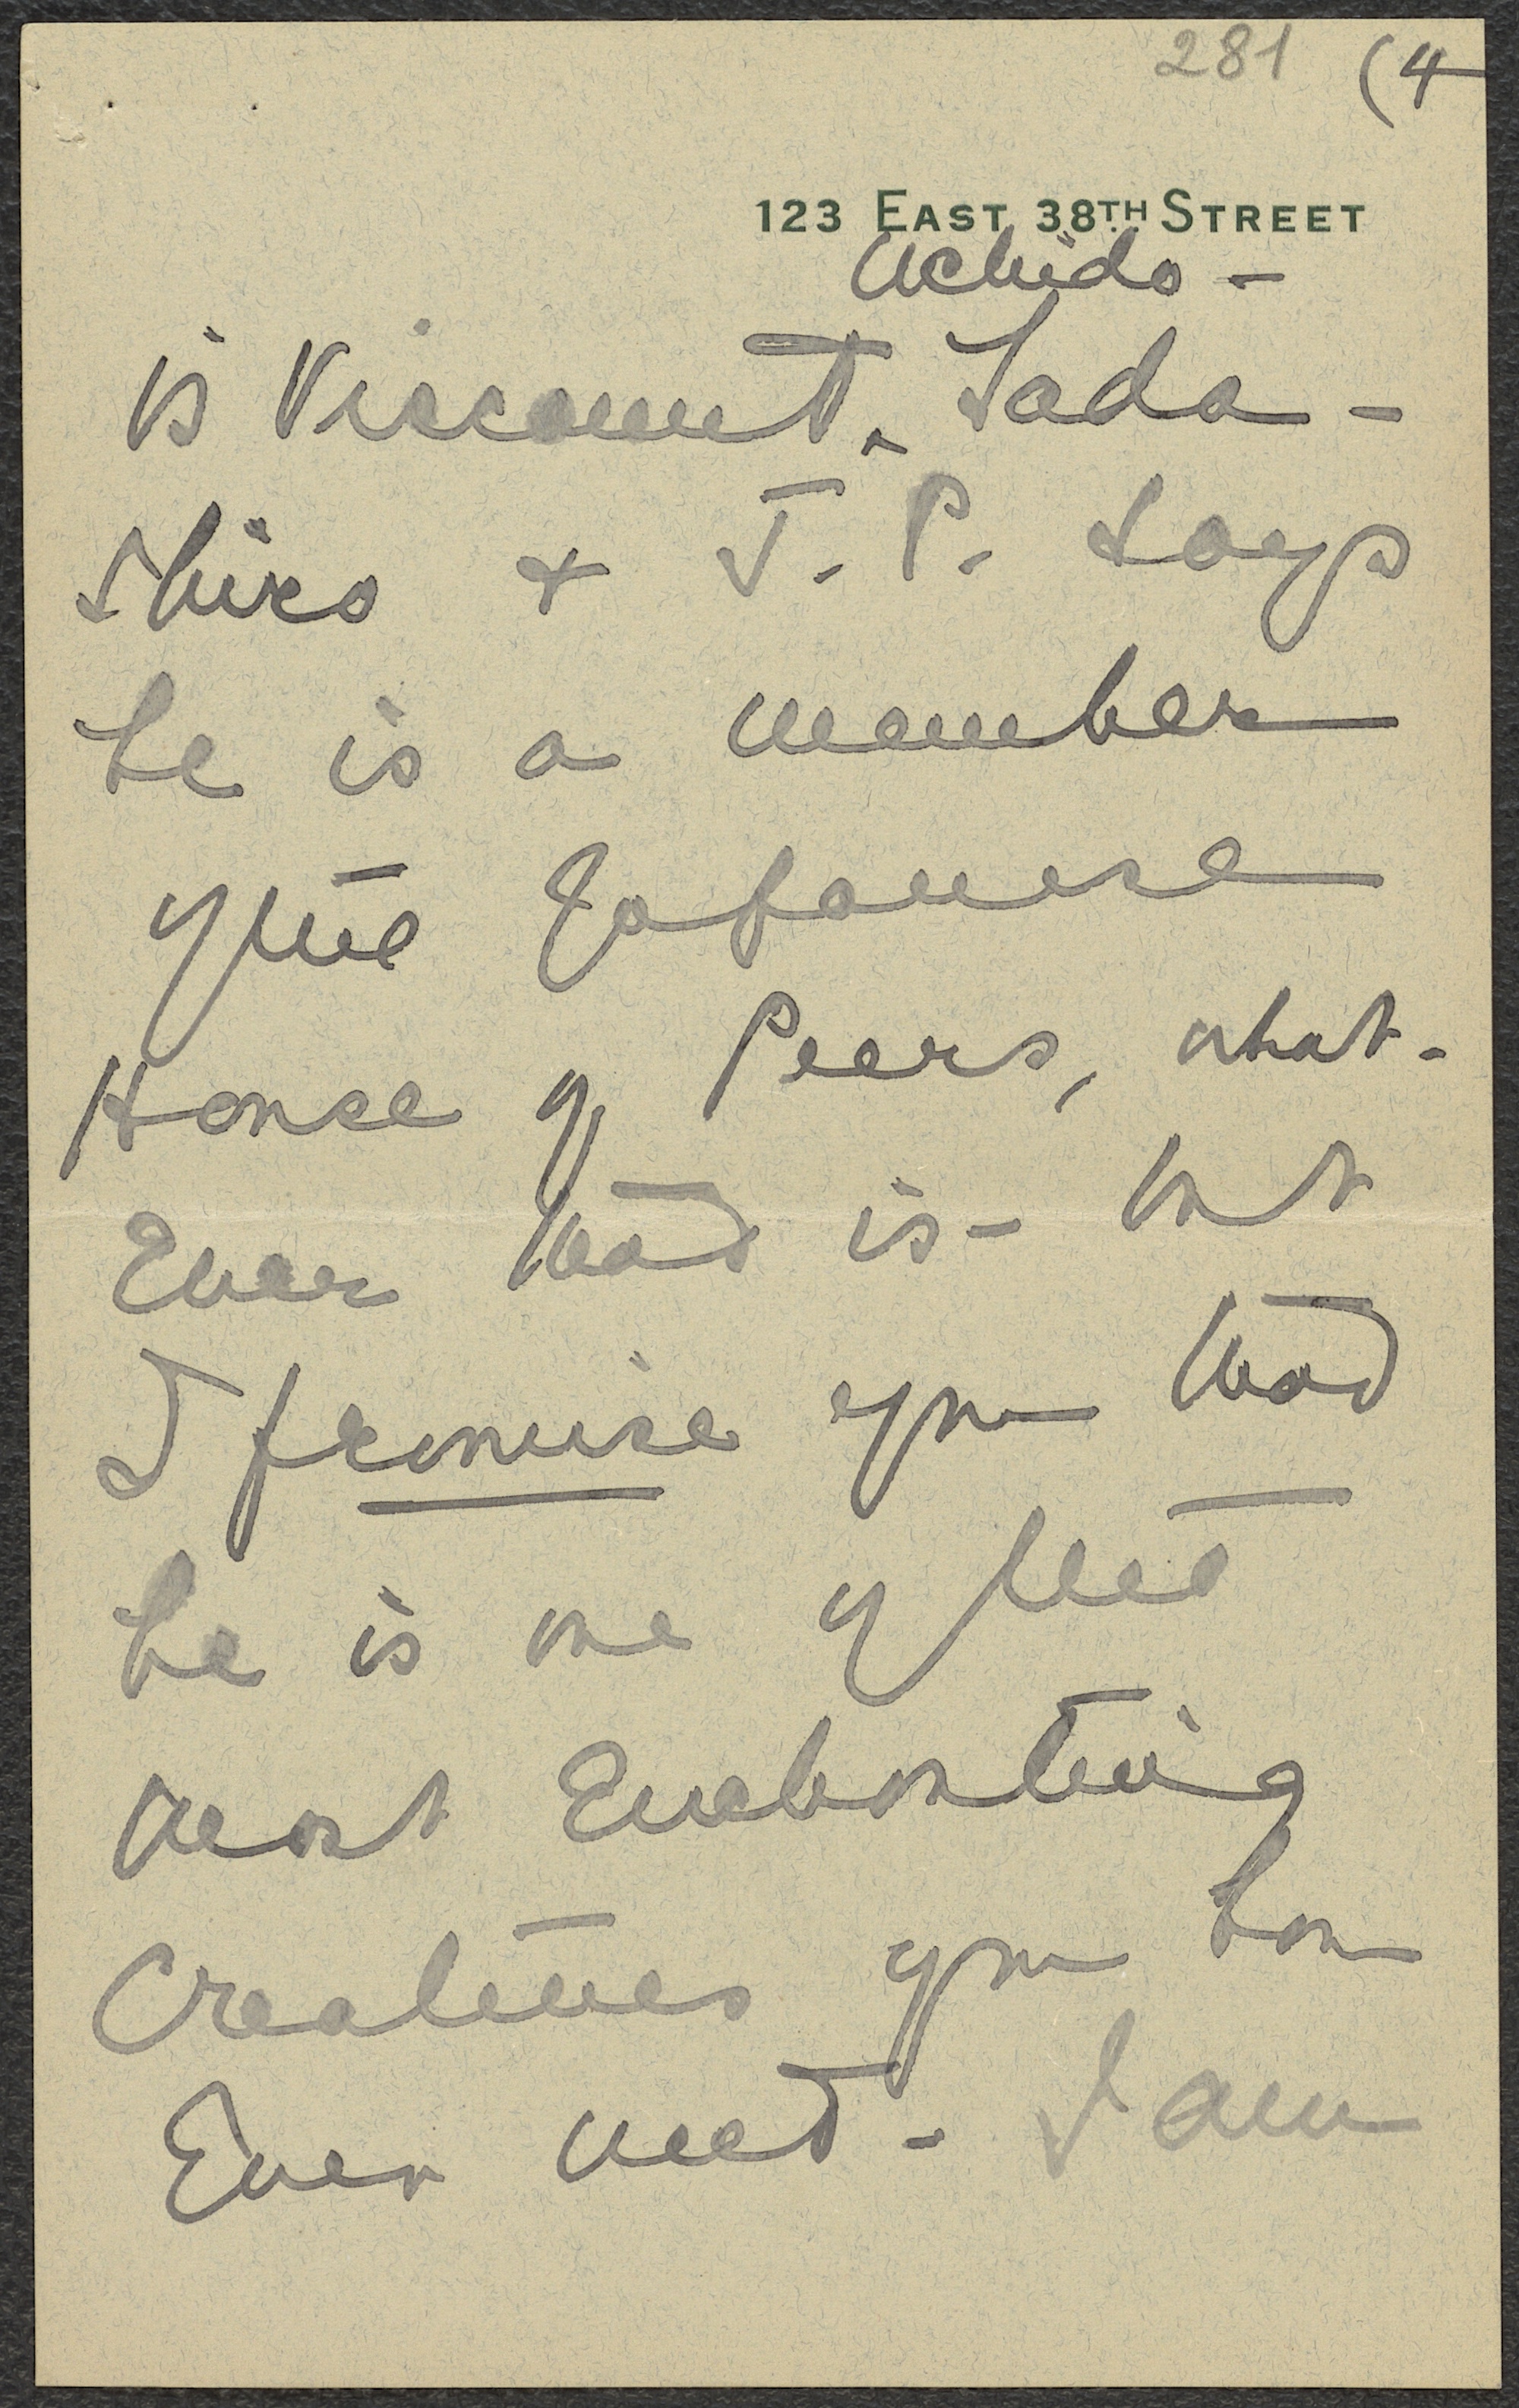is Viscount [^Uchido [sic] –^] Tadashiro & J.P. says he is a member of the Japanese House of Peers, whatever that is – but I promise you that he is one of the most enchanting creatures you have ever met – I am